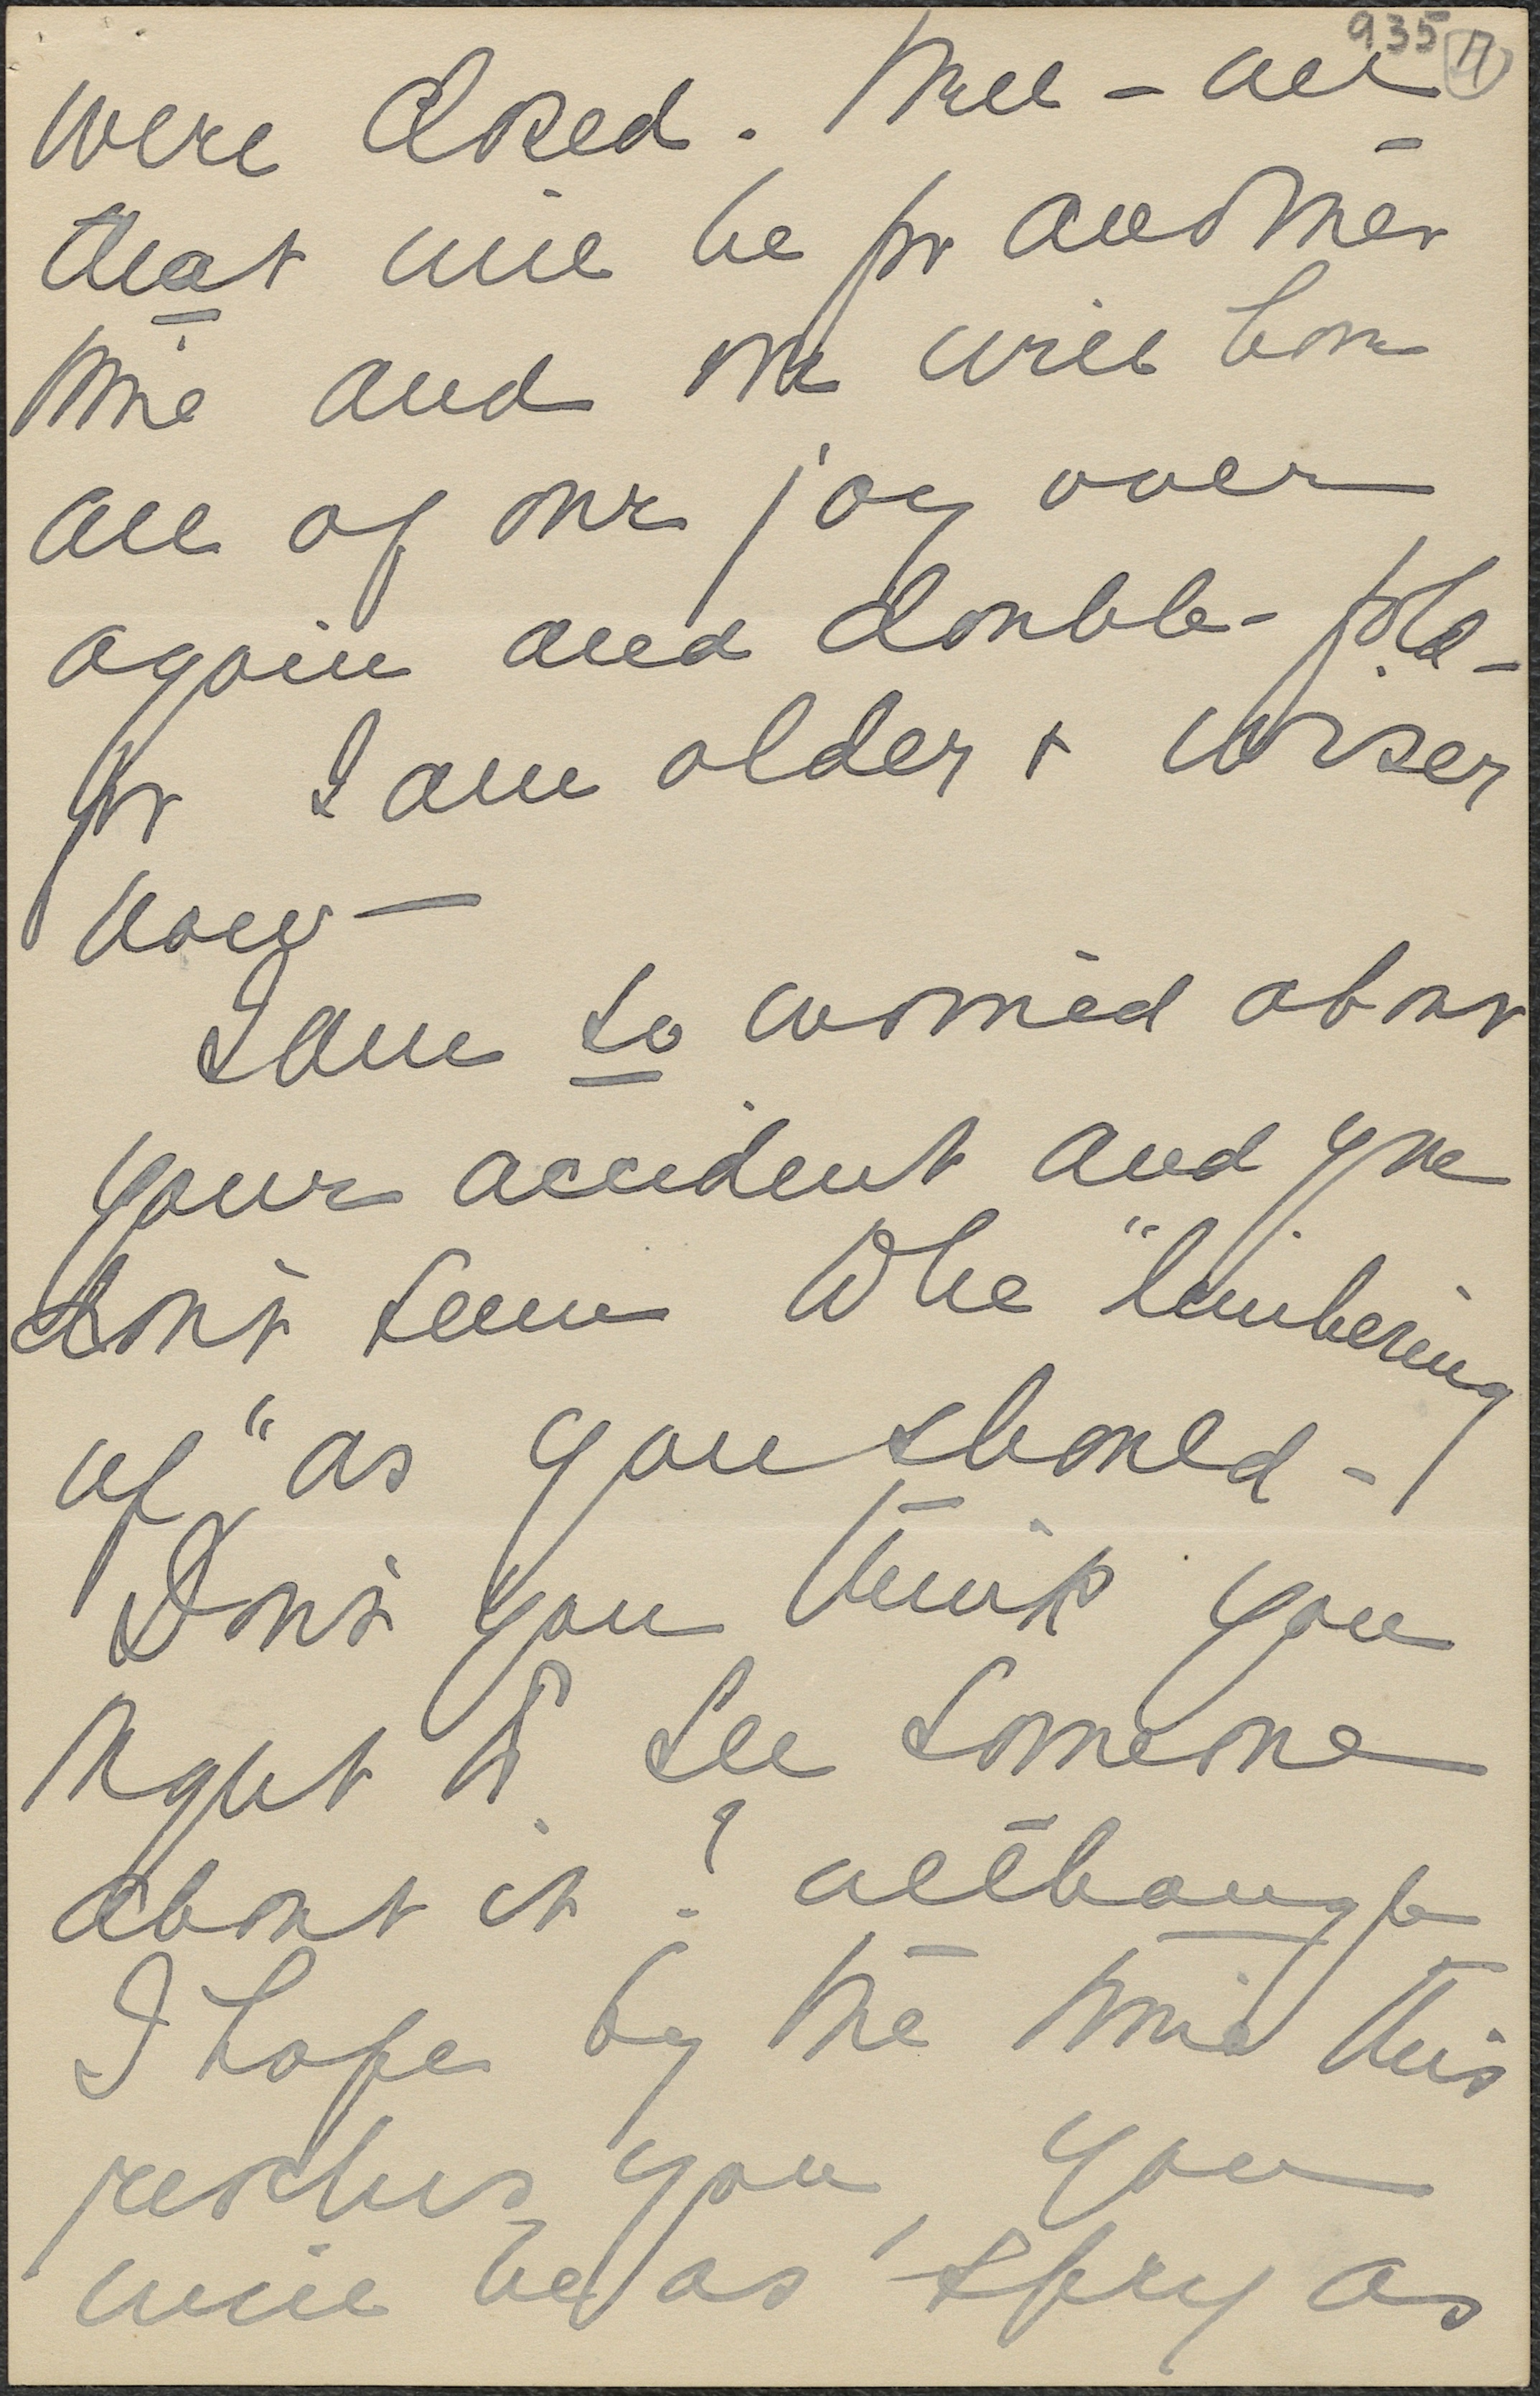were closed. Well – all that will be for another time and we will have all of our joy over again and double-fold – for I am older & wiser now –
I am so worried about you accident and you don’t seem to be “limbering up” as you should –
Don’t you think you ought to see someone about it? although I hope by the time this reaches you, you will be as spry as